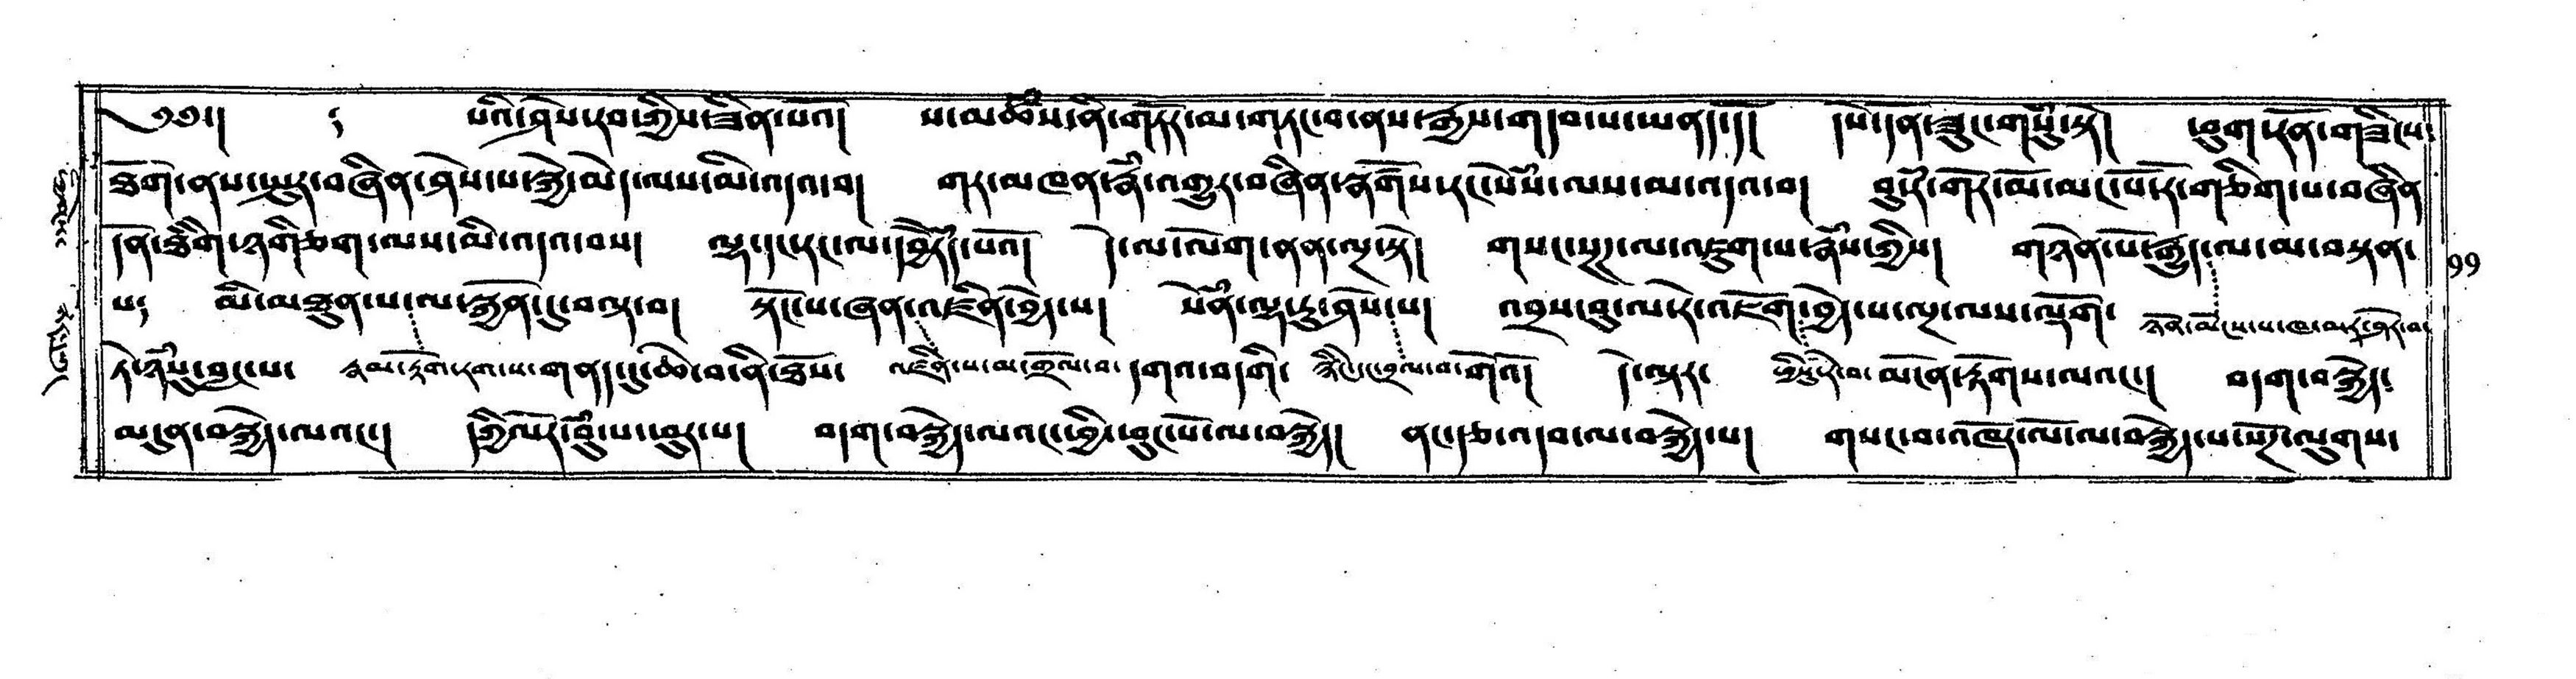པའི་ཤེས་རབ་ཀྱིས་ཟིན་པའོ། ས་མཚམས་ནི་གཏོར་མ་གཏང་བ་ནས་རྒྱས་གདབ་པ་ཡན་ཆད་དོ། དཔེ་དོན་ཟུང་གསུམ་སྟེ། ཕུག་རོན་གཟིངས་
ཐོག་ནས་སྤུར་བཞིན་ཤེས་པ་སྐྱེ་མེད་ལས་མི་འདའ་བ། གར་མཁན་རྣམ་འགྱུར་བཞིན་སྣ་ཚོགས་རང་སེམས་ལས་མ་འདའ་བ། བུ་རམ་གོར་མོ་མང་པོ་རོ་གཅིག་པ་བཞིན་
དོན་ཐིག་ལེ་ཉག་གཅིག་ལས་མི་འདའ་བས། ལྷ་དང་རང་ལ་དབྱེར་མེད་པའོ། དེ་ལ་ལོག་ནན་ལྔ་སྟེ། གསང་སྔགས་ལ་འཇུག་པ་རྣམས་ཀྱིས། གཉེན་པོ་རྒྱུད་(ཉོན་མོངས་པ་ཁ་མར་ཤོར་བ་) ལ་མ་བསྟན་
པ། མི་མཐུན་པ་ལ་(རྣམ་རྟོག་རག་པ་) ལ་སྐྱོན་དུ་བལྟ་བ། སྟོང་པ་ཞེན་(འཛིན་པ་མ་གྲོལ་བ་) འཛིན་བྱེད་པ། སེམས་ཅན་ལྷ་རུ་ཤེས་པ།(སྙིང་རྗེ་དང་བྲལ་བ་) འབྲས་བུ་ལ་རེ་འཇོག་(ཕྱིས་སུ་རེ་བ་) བྱེད་པ་ལྔ་ལས་ལྡོག་
ཏེ་ཉམས་སུ་བླང་པ་གནད་དུ་ཆེ་བ་ནི་ཐོས་དགའ་བདག་གིས་གོའོ། དེ་ལྟར་མངོན་རྟོགས་ལའང་། བདག་བསྐྱེད་
མདུན་བསྐྱེད་ལའང་། དཀྱིལ་འཁོར་བུམ་པ་ཕུར་པ། བདག་བསྐྱེད་ལའང་ཕྱི་ཕུང་པོ་ལ་བསྐྱེད་པ། ནང་རྩ་འདབ་ལ་བསྐྱེད་པ། གསང་བ་འཁོར་ལོ་ལ་བསྐྱེད་པ་སོགས་ལུགས་